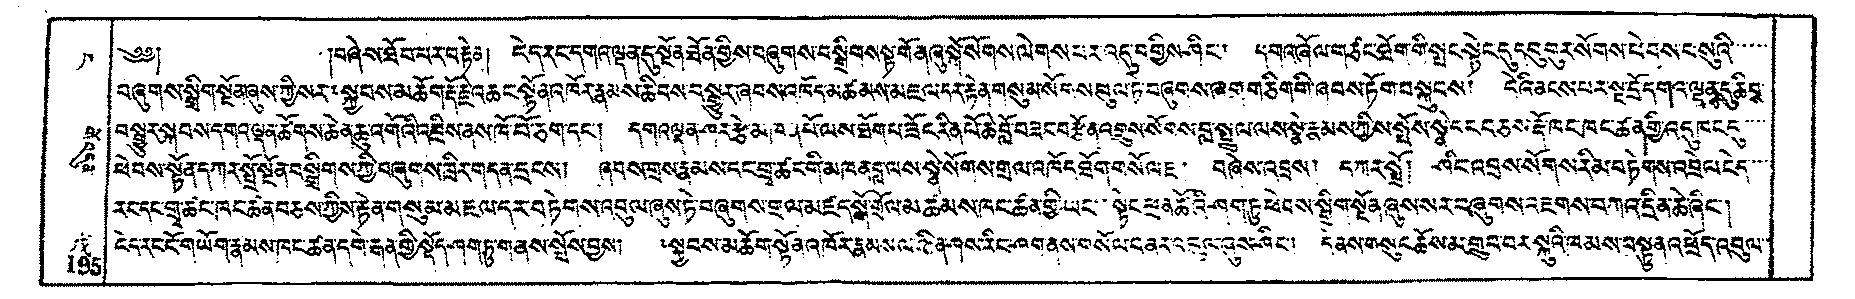༄༅། །བཞེས་ཐོབ་པར་བརྟེན། ངེད་རང་དགའ་ལྡན་དུ་སྔོན་ཐོན་གྱིས་བཞུགས་བསྒྲིགས་སྟ་གོན་ཞུ་སྒོ་སོགས་ལེགས་པར་འདུ་བགྱིས་ཤིང་། དགའ་ཞོལ་གཙང་ཐོག་གི་སྤང་སྟེང་དུ་དབུ་གུར་སོགས་ཕེབས་བསུའི་
བཞུགས་སྒྲིག་སྔོན་ཞུས་ཀྱི་སར་༧སྐྱབས་མཆོག་རྡོ་རྗེ་འཆང་སྟོན་འཁོར་རྣམས་ཆིབས་བསྒྱུར་ཞབས་འཁོད་མཚམས་མཇལ་དར་རྟེན་གསུམ་སོགས་ཕུལ་ཏེ་བཞུགས་ཞག་གཅིག་གི་ཞབས་ཏོག་བསྐུབས། དེའི་ནངས་པར་སྔ་དྲོ་དགའ་ལྡན་དུ་ཆིབས་
བསྒྱུར་སྐབས་དགའ་ལྡན་ཚོགས་ཆེན་ཆུ་འགོའི་འཁྲིས་ནས་ཁོ་བོ་ཅག་དང་། དགའ་ལྡན་ཤར་རྩེ་མཁན་པོ་ལས་ཐོག་པ་ཟོང་རིན་པོ་ཆེ་བློ་བཟང་བརྩོན་འགྲུས་སོགས་བླ་སྤྲུལ་ལས་སྣེ་རྣམས་ཀྱིས་སྤོས་སྣེ་དང་བཅས་རྡོ་ཁང་ཁང་ཚན་གྱི་འདུ་ཁང་དུ་
ཕེབས་སྟོན་དཀར་སྤྲོ་སྔོན་བསྒྲིགས་ཀྱི་བཞུགས་ཁྲིར་གདན་དྲངས། ཞབས་གྲས་རྣམས་དང་གྲྭ་ཚང་གི་མཁན་བླ་ལས་སྣེ་སོགས་གྲལ་འཁོད་ཐོག་གསོལ་ཇ། བཞེས་འབྲས། དཀར་སྤྲོ། ཤིང་འབྲས་སོགས་རིམ་བཏེགས་འབྲེལ་ངེད་
རང་དང་གྲྭ་ཚང་ཁང་ཚན་བཅས་ཀྱིས་རྟེན་གསུམ་མཇལ་དར་བཏེགས་འབུལ་ཞུས་ཏེ་བཞུགས་གྲལ་མཛད་སྒོ་གྲོལ་མཚམས་ཁང་ཚན་གྱི་ཡང་སྟེང་ཕྲན་ཚོའི་ཤག་ཏུ་ཕེབས་སྒྲིག་སྔོན་ཞུས་སར་བཞུགས་འཇགས་བཀའ་དྲིན་ཆེ་ཞིང་།
ངེད་རང་ངོ་གཡོག་རྣམས་ཁང་ཚན་དགེ་རྒན་གྱི་སྡོད་ཤག་ཏུ་གནས་སྤོས་བྱས། ༧སྐྱབས་མཆོག་སྟོན་འཁོར་རྣམས་ལ་ཉིན་ཤས་རིང་ཤག་ནས་གསོལ་བ་ནར་འབུལ་ཞུས་ཤིང་། དེ་ནས་གསུང་ཆོས་མ་གྲུབ་བར་སྐུའི་ཁམས་བསྟུན་འཕྲོད་འབུལ་